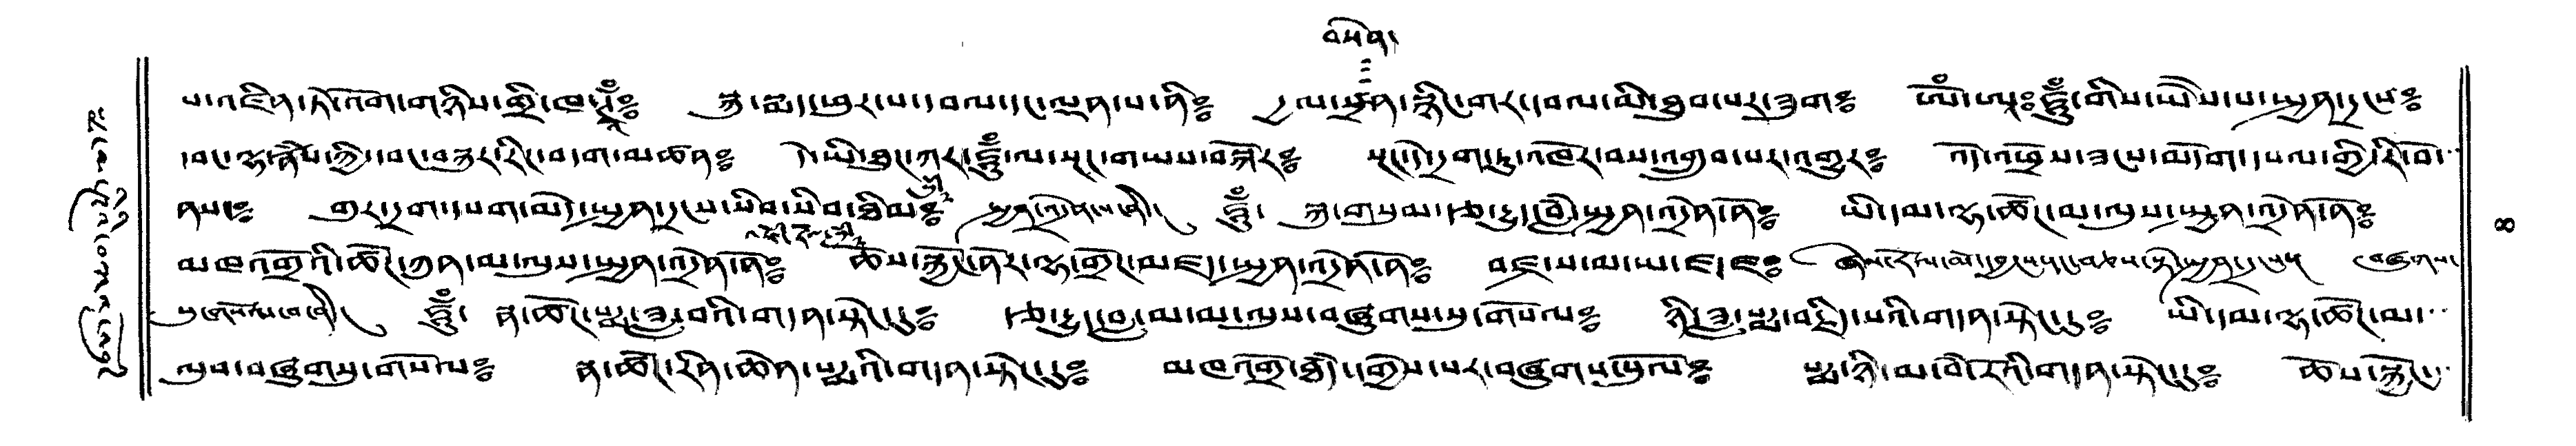པ་འཛིན་ཏེ་འོག་གཉིས་གྲི་ཁ་ཊྭཱྃ༔ སྐུ་སྨད་ཕུར་པ་དབལ་དང་ལྡན་པ་ནི༔ རྒྱལ་བསེན་སྙིང་གར་དབལ་མི་ཐུབ་པར་ཟུག༔ ཨོཾ་ཨཱཿཧཱུྃ་གིས་ཡེ་ཤེས་པ་སྤྱན་དྲངས༔ 
དབང་ལྷ་རྣམས་ཀྱིས་དབང་བསྐུར་རིགས་བདག་མཚན༔ དེ་ཡི་ཐུགས་ཀར་ཧཱུྃ་ལ་སྔགས་གཡས་བསྐོར༔ སྔགས་དེ་དྲག་ཏུ་འཁོར་བས་འགྲུབ་པར་འགྱུར༔ འོད་འཕྲོས་ཟངས་མདོག་དཔལ་གྱི་རི་བོ་
ནས༔ གུར་དྲག་དཔག་མེད་སྤྱན་དྲངས་སིབ་སིབ་ཐིམ༔ སྤྱན་འདྲེན་པ་ནི། ཧཱུྃ༔ སྐུ་གསུམ་རྩ་རྒྱུད་བླ་མ་སྤྱན་འདྲེན་ནོ༔ ཡི་དམ་ལྷ་ཚོགས་མ་ལུས་སྤྱན་འདྲེན་ནོ༔ 
མཁའ་འགྲོའི་ཚོགས་ཀུན་མ་ལུས་སྤྱན་འདྲེན་ནོ༔ ཆོས་སྐྱོང་ནོར་ལྷ་གྲོགས་མཛད་སྤྱན་འདྲེན་ནོ༔ བཛྲ་ས་མ་ཡ་ཛ་ཛ༔ ཞེས་རོལ་མོ་དབྱངས་དང་བཅས་སྟེ་སྤྱན་དྲངས། བཞུགས་
སུ་གསོལ་བ་ནི།ཧཱུྃ༔ སྣ་ཚོགས་པདྨ་ཟླ་བའི་གདན་སྟེང་དུ༔ རྩ་རྒྱུད་བླ་མ་མ་ལུས་བཞུགས་སུ་གསོལ༔ ཉི་ཟླ་པདྨ་བརྗིད་པའི་གདན་སྟེང་དུ༔ ཡི་དམ་ལྷ་ཚོགས་མ་
ལུས་བཞུགས་སུ་གསོལ༔ སྣ་ཚོགས་རིན་ཆེན་པདྨའི་གདན་སྟེང་དུ༔ མཁའ་འགྲོ་ཐམས་ཅད་དགྱེས་པར་བཞུགས་སུ་སོལ༔ པདྨ་ཉི་མ་བམ་རོའི་གདན་སྟེང་དུ༔ ཆོས་སྐྱོང་